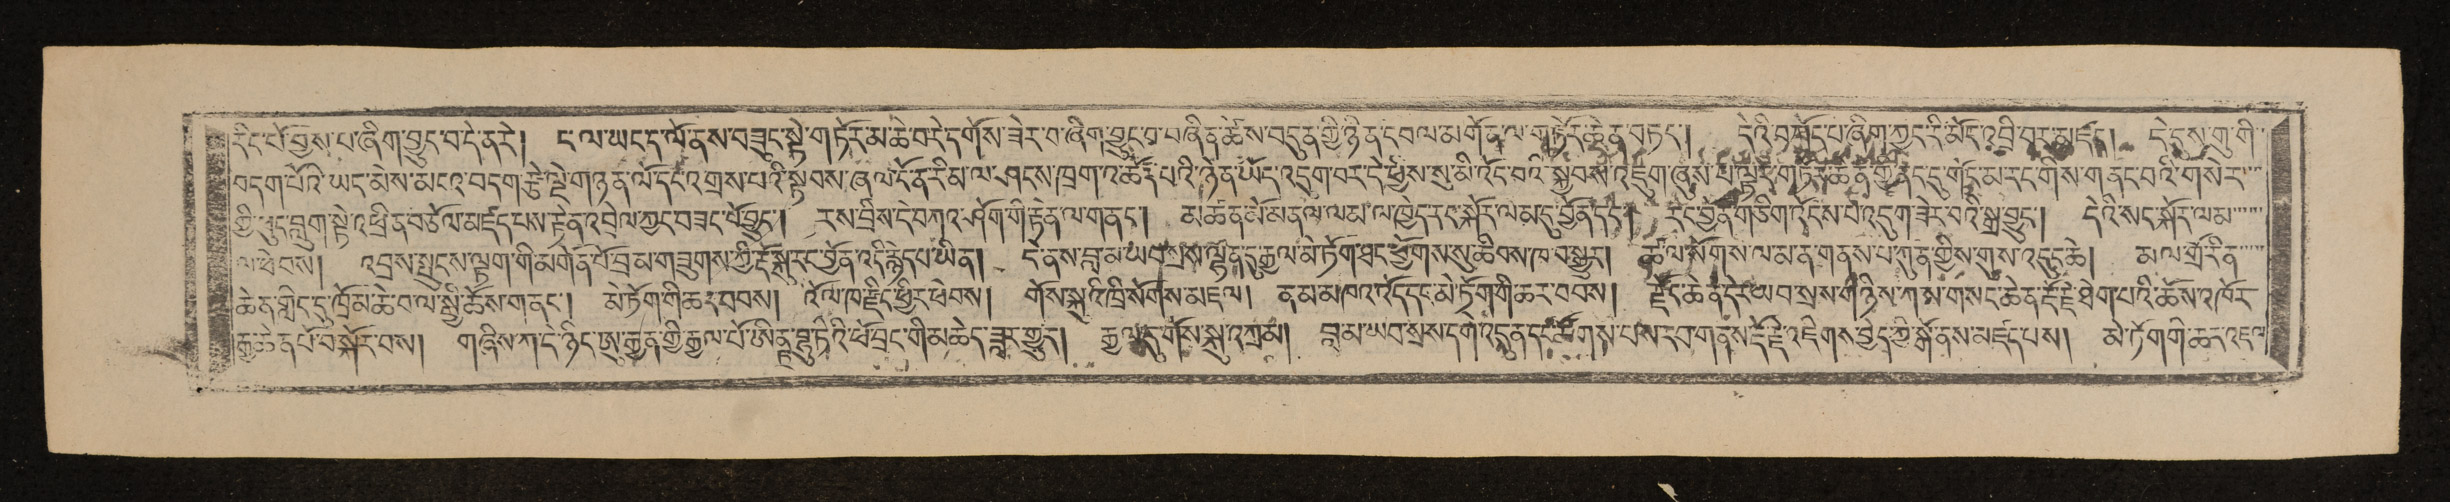རིང་པོ་བྱས་པ་ཞིག་བྱུང་བདེན་རེ། ང་ལ་ཡང་ད་ལོ་ནས་བཟུང་སྟེ་གཏོར་མཆེ་བ་རེ་དགོས་ཟེར་བ་ཞིག་བྱུང་བ་བཞིན་ཚེས་བདུན་གྱི་ཉིན་དཔལ་མགོན་ལ་གཏོར་ཆེན་བཏང་། དེའི་བཀོད་བཞིག་ཀྱང་རི་མོར་འབྲི་བར་མཛད། དེ་དུས་གུ་གེ་
བདག་པོའི་ཡང་མེས་མངའ་བདག་རྩེ་ལྡེ་གཉན་ལོ་དང་འགྲས་བའི་སྟབས་ཞལ་དོན་རིམ་ལ་ཤངས་ཁྲག་འཚོར་པའི་ཉེན་ཡོད་འདུག་པར་དེ་ཕྱིས་སུ་མིའོང་པའི་སྐྱབས་འཇུག་ཞུས་བ་ལྟར་གཏོར་ཆེན་གྱི་ནང་དུ་གོང་མ་རང་གིས་གནང་བའི་གསེར་
གྱི་ཕུད་བླུག་སྟེ་འཕྲིན་བཅོལ་མཛད་པས་རྟེན་འབྲེལ་ཀྱང་བཟང་པོ་བྱུང་། རས་བྲིས་དེ་བཀའ་ཤོག་གི་རྟེན་ལ་གནང་། མཚན་མོ་མནལ་ལམ་ལ་ཁྱེད་རང་སྐོར་ལམ་དུ་བྱོན་དང་། རང་བྱོན་གཅིག་འོངས་པ་འདུག་ཟེར་བའི་སྒྲ་བྱུང་། དེའི་སང་སྐོར་ལམ་
ལ་ཕེབས། འབྲས་སྤུངས་ལྟག་གི་མགོན་པོ་བྲམ་གཟུགས་ཀྱི་རྡོ་སྐུ་དང་བྱོན་འདི་རྙེད་པ་ཡིན། དེ་ནས་བླ་མ་ཡབ་སྲས་ལྷན་དུ་རྒྱལ་མེ་ཏོག་ཐང་ཕྱོགས་སུ་ཆིབས་ཁ་བསྒྱུར། ཚལ་སོགས་ལམ་ན་གནས་པ་ཀུན་གྱིས་གུས་འདུད་ཆེ། མལ་གྲོ་རིན་
ཆེན་གླིང་དུ་ཁྲོམ་ཆེ་བ་ལ་སྤྱི་ཆོས་གནང་། མེ་ཏོག་གི་ཆར་བབས། འོལ་ཁ་རྫིང་ཕྱིར་ཕེབས། གོས་སྐུའི་ཁྲི་སོགས་མཇལ། ནམ་མཁའ་འོད་དང་མེ་ཏོག་གི་ཆར་བབས། རྫོང་ཆེན་དེར་ཡབ་སྲས་གཉིས་ཀས་གསང་ཆེན་རྡོ་རྗེ་ཐེག་པའི་ཆོས་འཁོར་
རྒྱ་ཆེན་པོ་བསྐོར་བས། གཞིས་ཀ་དེ་ཉིད་ཨུ་རྒྱན་གྱི་རྒྱལ་པོ་ཨིནྡྲ་བྷུ་ཏིའི་ཕོ་བྲང་གི་མཆེད་ཟླར་གྱུར། རྒྱལ་དུ་གོས་སྐུ་བཀྲམ། བླ་མ་ཡབ་སྲས་དགེ་འདུན་དང་ཚོགས་པས་རབ་གནས་རྡོ་རེ་རྗེ་འཇིགས་བྱེད་ཀྱི་སྒོ་ནས་མཛད་པས། མེ་ཏོག་གི་ཆར་འཇའ་